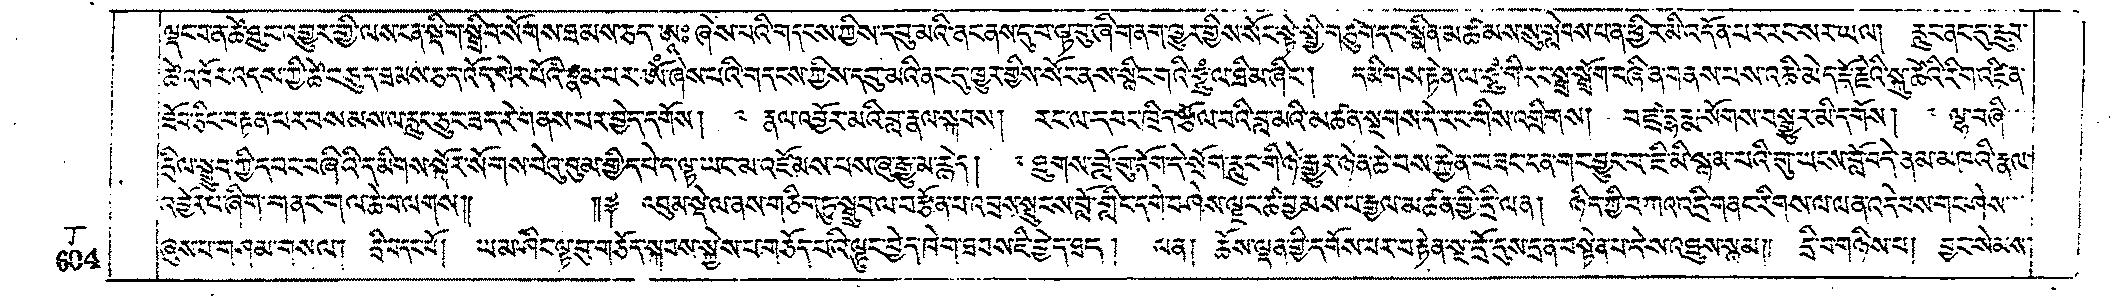ལྡང་བ་ན་ཚེ་ཐུང་འགྱུར་གྱི་ལས་ངན་སྡིག་སྒྲིབ་སོགས་ཐམས་ཅད་ཨཱཿཞེས་པའི་གདངས་ཀྱིས་དབུ་མའི་ནང་ནས་དུ་བ་ལྟ་བུ་ཞིག་ནག་ཁྱུར་གྱིས་སོང་སྟེ་སྤྱི་གཙུག་དང་སྨིན་མཚམས་སུ་སླེབས་པ་ན་ཕྱིར་མི་འདོན་པར་རང་སར་ཡལ། རླུང་ནང་དུ་རྔུབ་
ཚེ་འཁོར་འདས་ཀྱི་ཚེ་བཅུད་ཐམས་ཅད་འོད་སེར་པོའི་རྣམ་པར་ཨོཾ་ཞེས་པའི་གདངས་ཀྱིས་དབུ་མའི་ནང་དུ་ཁྱུར་གྱིས་སོང་ནས་སྙིང་གའི་ཧཱུཾ་ལ་ཐིམ་ཞིང་། དམིགས་རྟེན་ལ་ཧཱུཾ་གི་རང་སྒྲ་སྒྲོག་བཞིན་གནས་པས་འཆི་མེད་རྡོ་རྗེའི་སྐུ་ཚེའི་རིག་འཛིན་
ཐོབ་ཅིང་བརྟན་པར་བསམས་ལ་རླུང་ཅུང་ཟད་རེ་གནས་པར་བྱེད་དགོས། ༧རྣལ་འབྱོར་མའི་བླ་རྣལ་སྐབས། རང་ལ་དབང་ཁྲིད་སྩོལ་བའི་བླ་མའི་མཚན་སྔགས་དེ་རང་གིས་འགྲིགས། བཛྲ་དྷརྨ་སོགས་བསྒྱུར་མི་དགོས། ལྷ་བཞི་་་
དྲིལ་སྒྲུབ་ཀྱི་དབང་བཞིའི་དམིགས་སྐོར་སོགས་བེའུ་བུམ་གྱི་དཔེ་ད་ལྟ་ཡང་མ་འཛོམས་པས་ཞུ་རྒྱུ་མ་རྙེད། ༧ཐུགས་བློ་གུ་དོག་དེ་སྲོག་རླུང་གི་ཉེ་རྒྱུར་ཉེན་ཆེ་བས་རྐྱེན་བཟང་ངན་གང་བྱུང་བ་ཇི་མི་སྙམ་པའི་གུ་ཡངས་བློ་བདེ་ནམ་མཁའི་རྣལ་
འབྱོར་པ་ཞིག་གནང་གལ་ཆེ་བ་ལགས།། །།འྰྦུམ་སྡེ་ལ་ནས་གཅིག་ཏུ་སྒྲུབ་ལ་བརྩོན་པ་འབྲས་སྤུངས་བློ་གླིང་དགེ་བཤེས་ལྗང་ཚ་བྱམས་པ་རྒྱལ་མཚན་གྱི་དྲི་ལན། ཉིད་ཀྱི་བཀའ་འདྲི་གནང་རིགས་ལ་ལན་འདེབས་གང་ཤེས་་་
ཞུས་པ་གཤམ་གསལ། དྲི་བ་དང་པོ། ཡམ་ཤིང་ལྟ་བུ་གཅོད་སྐབས་སྐྱེས་པ་གཅོད་པའི་ལྟུང་བྱེད་ཁེག་ཐབས་ཇི་བྱེད་ཐད། ལན། ཆོས་ལྡན་གྱི་དགོས་པར་བརྟེན་སྔ་དྲོ་དུས་དྲན་བསྟེན་པ་དེས་འཐུས་སྙམ།། དྲི་བ་གཉིས་པ། བྱང་སེམས་